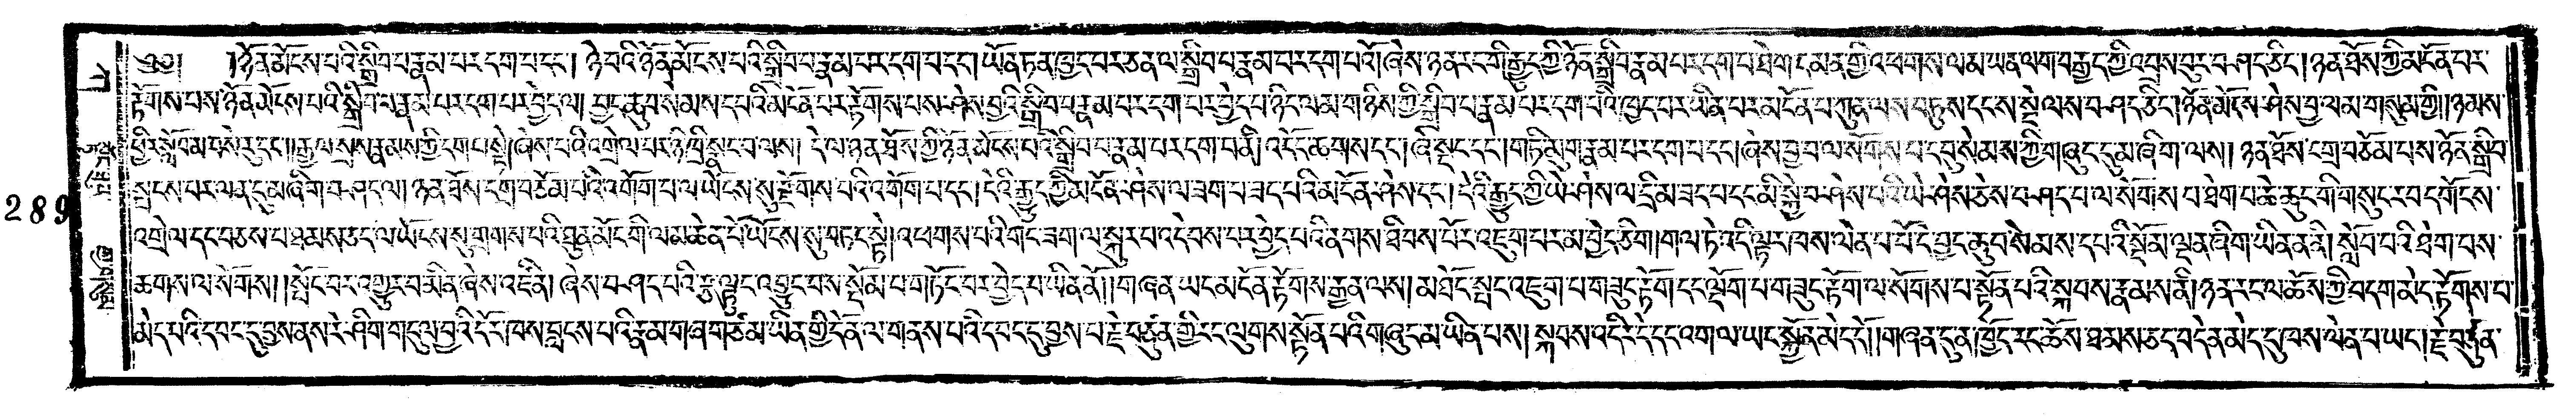༄༅། །ཉོན་མོངས་པའི་སྒྲིབ་པ་རྣམ་པར་དག་པ་དང་། ཉེ་བའི་ཉོན་མོངས་པའི་སྒྲིབ་པ་རྣམ་བར་དག་བ་དང་། ཡོན་ཏན་ཁྱད་པར་ཅན་ལ་སྒྲིབ་པ་རྣམ་པར་དག་པའོ། ཞེས་ཉན་རང་གི་རྒྱུད་ཀྱི་ཉོན་སྒྲིབ་རྣམ་པར་དག་བ་ཐེག་དམན་གྱི་འཕགས་ལམ་ཡན་ལག་བརྒྱད་ཀྱི་འབྲས་བུར་བཤད་ཅིང་། ཉན་ཐོས་ཀྱི་མངོན་པར་
རྟོགས་པས་ཉོན་མོངས་པའི་སྒྲིབ་པ་རྣམ་པར་དག་པར་བྱེད་ལ། བྱང་ཆུབ་སེམས་དཔའི་མངོན་པར་རྟོགས་པས་ཤེས་བྱའི་སྒྲིབ་པ་རྣམ་པར་དག་པར་བྱེད་པ་ཉིད་ལམ་གཉིས་ཀྱིས་སྒྲིབ་པ་རྣམ་པར་དག་པའི་ཁྱད་པར་ཡིན་པར་མངོན་པ་ཀུན་ལས་བཏུས་དང་ས་སྡེ་ལས་བཤད་ཅིང་། ཉོན་མོངས་ཤེས་བྱ་ལམ་གསུམ་གྱི། །ཉམས་
ཕྱིར་སློབ་མ་བསེ་རུ་དང་། །རྒྱལ་སྲས་རྣམས་ཀྱི་དག་པ་སྟེ། ཞེས་པའི་འགྲེལ་པར་ཉི་ཁྲི་སྣང་བ་ལས། དེ་ལ་ཉན་ཐོས་ཀྱི་ཉོན་མོངས་པའི་སྒྲིབ་བ་རྣམ་པར་དག་བ་ནི། འདོད་ཆགས་དང་། ཞེ་སྡང་དང་། གཏི་མུག་རྣམ་པར་དག་པ་དང་། ཞེས་བྱ་བ་ལ་སོགས་པ་དབུ་སེམས་ཀྱི་གཞུང་དུ་མ་ཞིག་ལས། ཉན་ཐོས་དགྲ་བཅོམ་པས་ཉོན་སྒྲིབ་
སྤངས་པར་ལན་དུ་མ་ཞིག་བཤད་ལ། ཉན་ཐོས་དགྲ་བཅོམ་པའི་འགོག་པ་ལ་ཡོངས་སུ་རྫོགས་པའི་འགོག་པ་དང་། དེའི་རྒྱུད་ཀྱི་མངོན་ཤེས་ལ་ཟག་པ་ཟད་པའི་མངོན་ཤེས་དང་། དེའི་རྒྱུད་ཀྱི་ཡེ་ཤེས་ལ་དྲི་མ་ཟད་པ་དང་མི་སྐྱེ་བ་ཤེས་པའི་ཡེ་ཤེས་ཅེས་བཤད་པ་ལ་སོགས་པ་ཐེག་བ་ཆེ་ཆུང་གི་གསུང་རབ་དགོངས་
འགྲེལ་དང་བཅས་པ་ཐམས་ཅད་ལ་ཡོངས་སུ་གྲགས་པའི་ཐུན་མོང་གི་ལམ་ཆེན་པོ་ཡོངས་སུ་བཏང་སྟེ། འཕགས་པའི་གང་ཟག་ལ་སྐུར་བ་འདེབས་པར་བྱེད་པའི་ནགས་ཐིབས་པོར་འཇུག་པར་མ་བྱེད་ཅིག །གལ་ཏེ་འདི་ལྟར་ཁས་ལེན་པ་པོ་དེ་བྱང་ཆུབ་སེམས་དཔའི་སྡོམ་ལྡན་ཞིག་ཡིན་ན་ནི། སློབ་པའི་ཐེག་པས་
ཆགས་ལ་སོགས། །སྤོང་བར་འགྱུར་བ་མིན་ཞེས་འཛིན། ཞེས་བཤད་པའི་རྩ་ལྟུང་འབྱུང་བས་སྡོམ་པ་གཏོང་བར་བྱེད་བ་ཡིན་ནོ། །གཞན་ཡང་མངོན་རྟོགས་རྒྱན་ལས། མཐོང་སྤང་འཇུག་པ་གཟུང་རྟོག་དང་ལྡོག་པ་གཟུང་རྟོག་ལ་སོགས་པ་སྟོན་པའི་སྐབས་རྣམས་ནི། ཉན་རང་ལ་ཆོས་ཀྱི་བདག་མེད་རྟོགས་པ་
མེད་པའི་དབང་དུ་བྱས་ནས་རེ་ཤིག་གདུལ་བྱའི་དོར་ཁས་བླངས་པའི་རྣམ་གཞག་ཙམ་ཡིན་གྱི་དོན་ལ་གནས་པའི་དབང་དུ་བྱས་པ་རྗེ་བཙུན་གྱི་རང་ལུགས་སྟོན་པའི་གཞུང་མ་ཡིན་པས། སྐབས་འདིར་དེ་དང་འགལ་ཡང་སྐྱོན་མེད་དོ། །གཞན་དུ་ན་ཁྱོད་རང་ཆོས་ཐམས་ཅད་བདེན་མེད་དུ་ཁས་ལེན་པ་ཡང་། རྗེ་བཙུན་